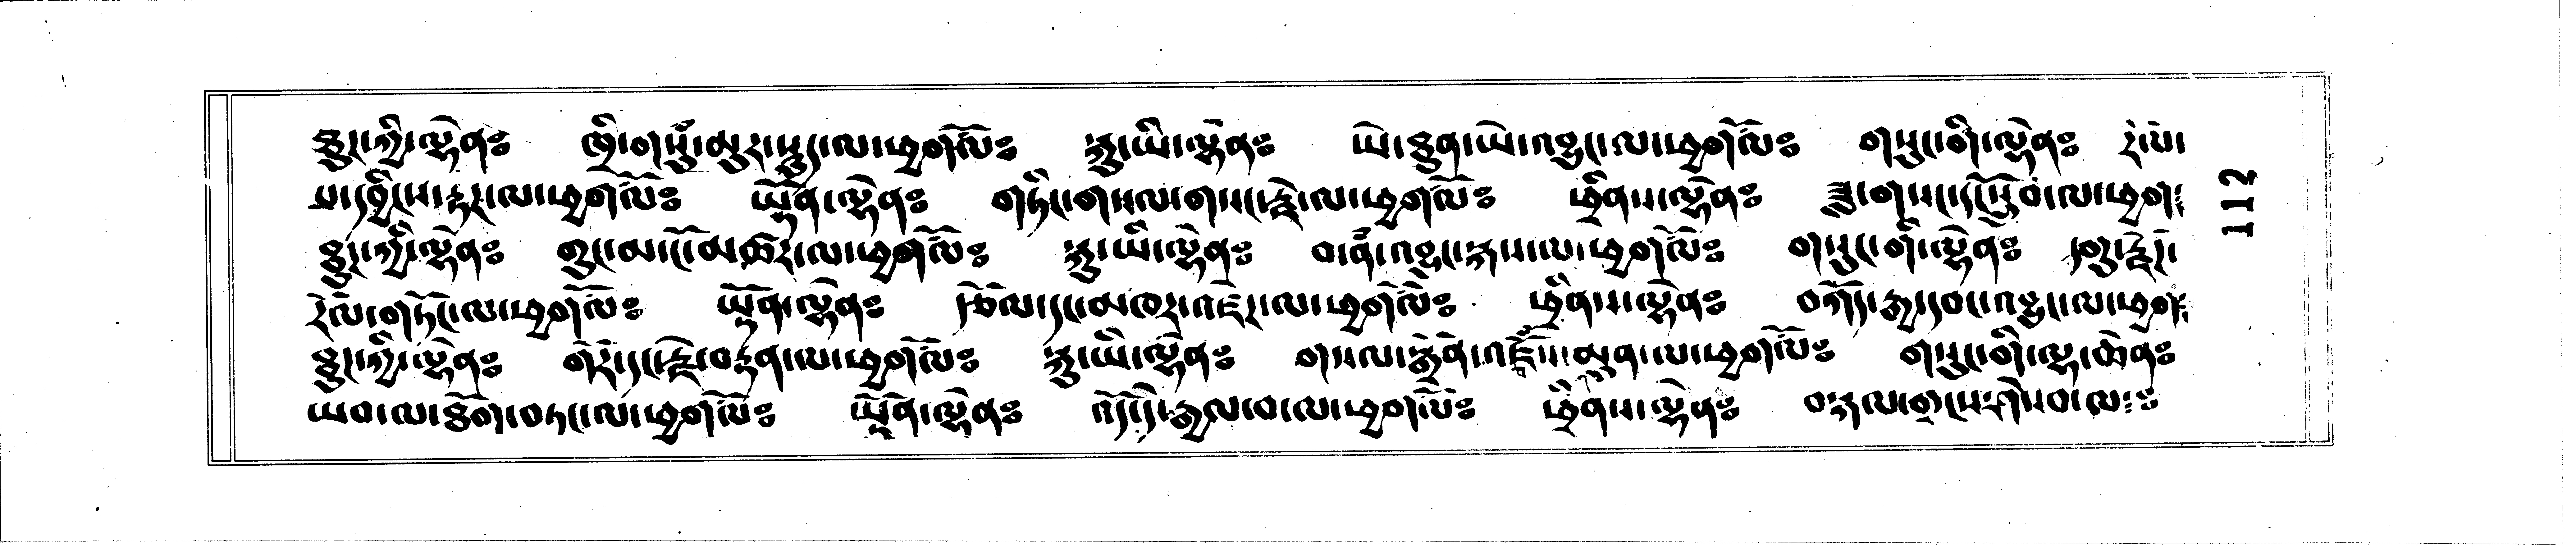ཐུགས་ཀྱི་ལྷ་ཆེནཿ ཁྲི་གསུམ་མུར་སྡུད་ལ་ཕྱག་འཚལ་ལོཿ སྐུ་ཡི་ལྷ་ཆེནཿ ཡེ་ཐུན་ཡེ་འབྱུང་ལ་ཕྱག་འཚལ་ལོཿ གསུང་གི་ལྷ་ཆེནཿ རོལ་
པ་དབྱིངས་རྟགས་ལ་ཕྱག་འཚལ་ལོཿ ཡོན་ཏན་གྱི་ལྷ་ཆེནཿ གཏིང་གསལ་གསང་རྗེ་ལ་ཕྱག་འཚལ་ལོཿ ཕྲིན་ལས་ཀྱི་ལྷ་ཆེནཿ ཟླ་གསང་དངོས་གྲུབ་ལ་ཕྱག་འཚལ་ལོཿ
 ཐུགས་ཀྱི་ལྷ་ཆེནཿ གུང་མ་ངོ་མཚར་ལ་ཕྱག་འཚལ་ལོཿ སྐུ་ཡི་ལྷ་ཆེནཿ བ་ནམ་འབྱུང་སྐས་ལ་ཕྱག་འཚལ་ལོཿ གསུང་གི་ལྷ་ཆེནཿ དགུ་རྫོགས་
རོལ་བཏང་ལ་ཕྱག་འཚལ་ལོཿ ཡོན་ཏན་གྱི་ལྷ་ཆེནཿ རྩོལ་དང་མཁར་འཛེགས་ལ་ཕྱག་འཚལ་ལོཿ ཕྲིན་ལས་ཀྱི་ལྷ་ཆེནཿ བཀོད་བརྒྱ་དབང་འབྱུང་ལ་ཕྱག་འཚལ་ལོཿ 
ཐུགས་ཀྱི་ལྷ་ཆེནཿ གོར་དང་རྗེ་བརྟན་པ་ལ་ཕྱག་འཚལ་ལོཿ སྐུ་ཡི་ལྷ་ཆེནཿ གསལ་སྒྲོན་མུན་འཇོམས་ལ་ཕྱག་འཚལ་ལོཿ གསུང་གི་ལྷ་ཆེནཿ 
ཡབ་ལ་ཐོག་བཏང་ལ་ཕྱག་འཚལ་ལོཿ ཡོན་ཏན་གྱི་ལྷ་ཆེནཿ འོད་དེ་རྒྱལ་བ་ལ་ཕྱག་འཚལ་ལོཿ ཕྲིན་ལས་ཀྱི་ལྷ་ཆེནཿ བསྐལ་གྲངས་ཤེས་རབ་ལ་ཕྱག་འཚལ་ལོཿ